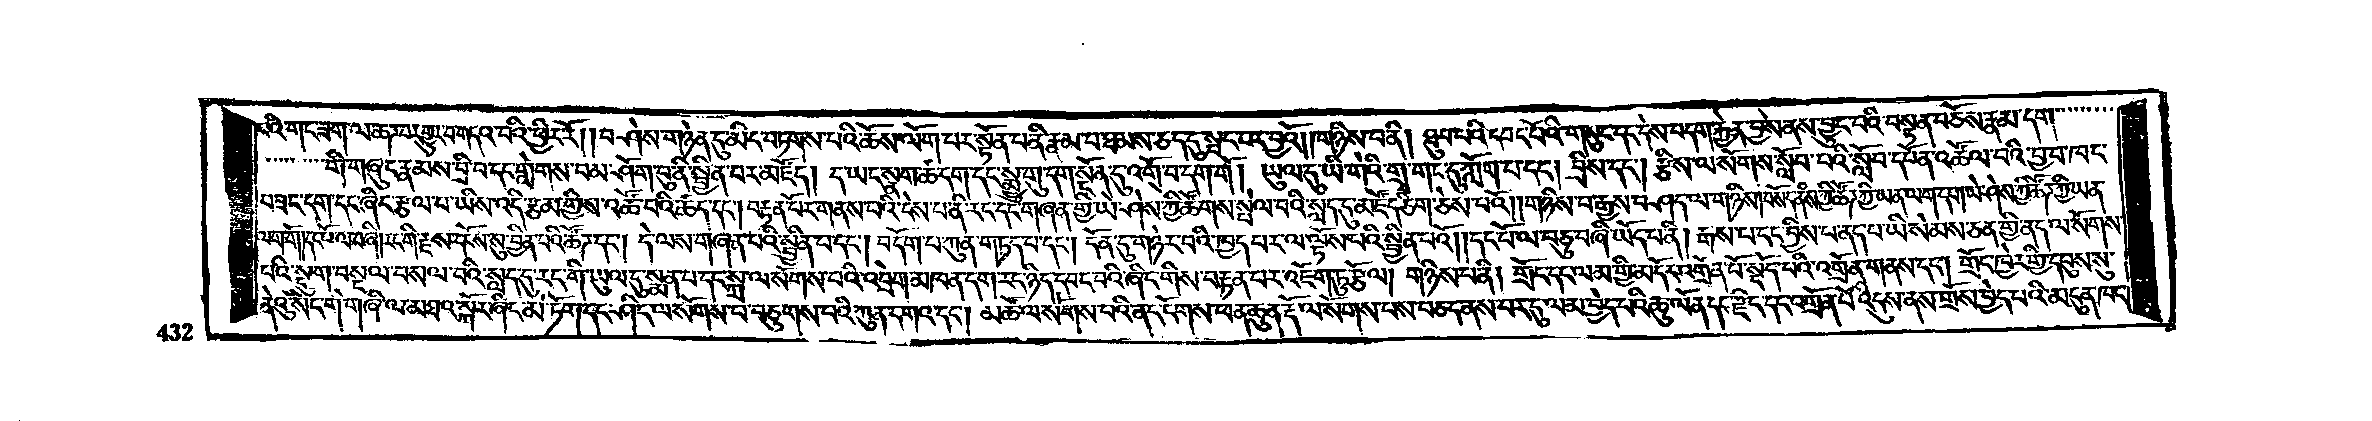པའི་གང་ཟག་ལ་ཆགས་པར་གྱུར་པ་གདའ་བའི་ཕྱིར་རོ། །བཤེས་གཉེན་དུ་མིང་བཏགས་པའི་ཆོས་ལོག་པར་སྟོན་པ་ནི་རྣམ་པ་ཐམས་ཅད་དུ་སྤང་བར་བྱའོ། །གཉིས་པ་ནི། ཐུབ་པའི་དབང་པོའི་གསུང་དང་དེས་བདག་རྐྱེན་བྱེས་ནས་བྱུང་བའི་བསྟན་བཅོས་རྣམ་དག་
གི་གཞུང་རྣམས་བྲི་བ་དང་གླེགས་བམ་ཤོག་བུ་ནི་སྦྱིན་པར་མཛོད། ད་ཡང་སྣག་ཚ་དག་དང་སྨྱུ་གུ་དག་སྔོན་དུ་འགྲོ་བ་དག་གོ །ཡུལ་དུ་ཡི་གེའི་གྲྭ་གང་དུ་ཀློག་པ་དང་། བྲིས་དང་། རྩིས་ལ་སོགས་སློབ་པའི་སློབ་དཔོན་འཚོལ་བའི་བྱ་བ་ཁང་
བཟང་དག་དང་ཞིང་རྩལ་བ་ཡིས་འདི་རྩམ་གྱིས་འཚོ་བའི་ཚད་དང་། བརྟན་པོར་གནས་པའི་ངེས་པ་ནི་རང་དང་གཞན་གྱི་ཡེ་ཤེས་ཀྱི་ཚོགས་སྤེལ་བའི་སླད་དུ་མཛོད་ཅིག་ཅེས་པའོ། །གཉིས་པ་རྒྱས་བཤད་ལ་གཉིས། བསོད་ནམས་ཀྱི་ཚོགས་ཀྱི་ཡན་ལག་དག་ཡེ་ཤེས་ཀྱི་ཚོགས་ཀྱི་ཡན་
ལག་གོ། །དང་པོ་ལ་བཞི། རང་གི་རྫས་དངོས་སུ་བྱིན་པའི་ཚོགས་དང་། དེ་ལས་གཞན་པའི་སྦྱིན་པ་དང་། བདོག་པ་ཀུན་གཏད་པ་དང་། དོན་དུ་གཉེར་བའི་ཁྱད་པར་ལ་ལྟོས་པའི་སྦྱིན་པའོ། །དང་པོ་ལ་བཅུ་བཞི་ཡོད་པ་ནི། རྒྱས་པ་དང་བྱིས་པ་ནད་པ་ཡི་སེམས་ཅན་གྱི་ནད་ལ་སོགས་
པའི་སྡུག་བསྔལ་བསལ་བའི་སླད་དུ་རང་གི་ཡུལ་དུ་སྨན་པ་དང་སྐྲ་ལ་སོགས་པའི་འབྲེག་མཁན་དག་རང་ཉིད་དབང་བའི་ཞིང་གིས་བརྟན་པར་འཇོག་ཏུ་རྩོལ། གཉིས་པ་ནི། གྲོང་དང་ལམ་གྱི་མདོར་འགྲོན་པོ་སྡོད་པའི་འགྲོན་གནས་དང་། གྲོང་ཁྱེར་གྱི་དབུས་སུ་
ནེའུ་སེང་གེ་གཞི་ལ་མཐའ་སྐོར་ཞིང་མེ་ཏོག་དང་ཤིང་ལ་སོགས་པ་བཅུགས་པའི་ཀུན་དགའ་དང་། མཚོ་ལ་སོགས་པའི་ནང་ངོགས་ཕན་ཚུན་རྡོ་ལ་སོགས་པས་བཅད་ནས་པར་དུ་ལམ་བྱེད་པའི་ཆུ་ལོན་དང་རྫིང་དང་འགྲོན་པོའི་དུས་ནས་གྲོས་བྱེད་པའི་མདུན་ཁང་